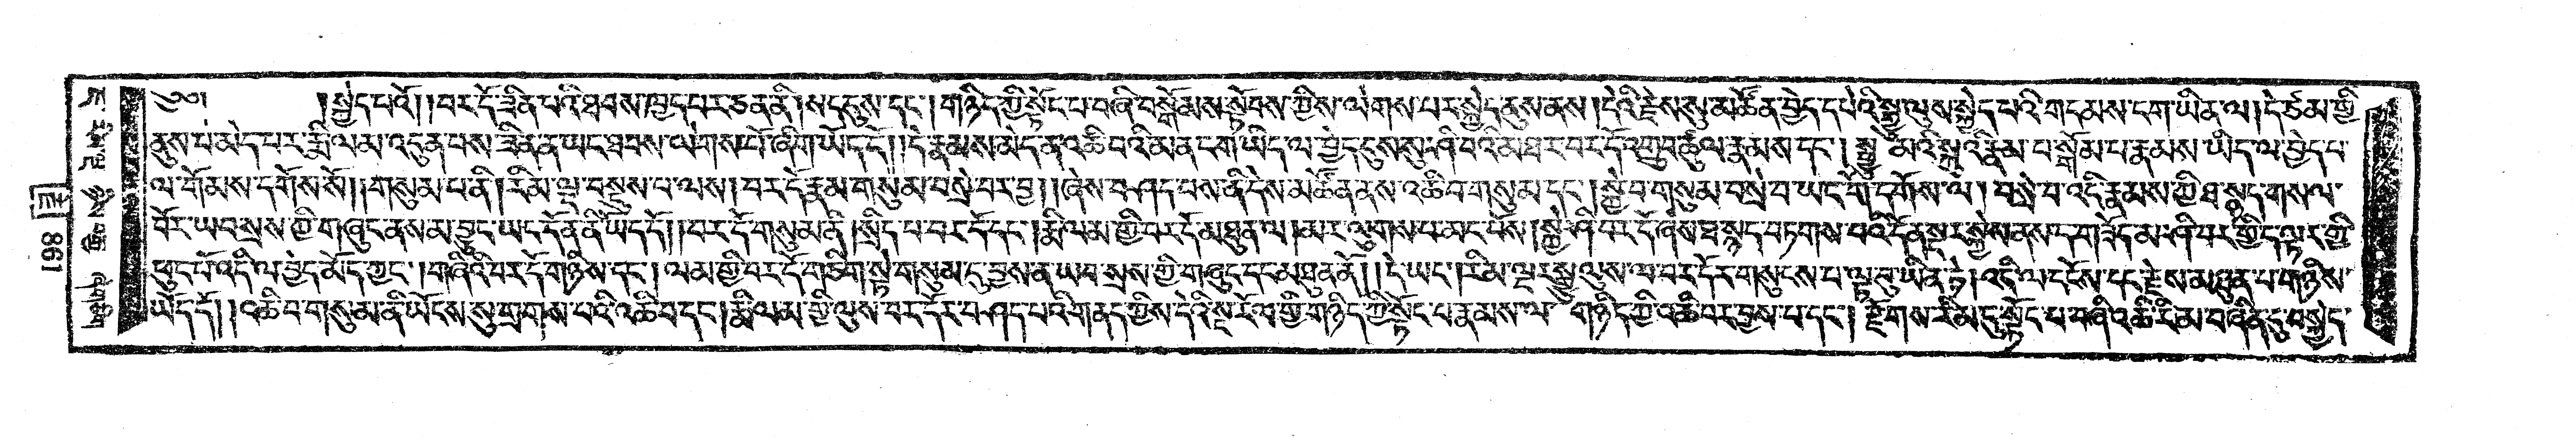༄༅། །སྐྱེད་པའོ། །བར་དོ་ཟིན་པའི་ཐབས་ཁྱད་པར་ཅན་ནི། སད་དུས་དང་། གཉིད་ཀྱི་སྟོང་པ་བཞི་བསྒོམས་སྟོབས་ཀྱིས་ལེགས་པར་སྐྱེད་ནུས་ནས། དེའི་རྗེས་སུ་མཚོན་བྱེད་དཔེའི་སྒྱུ་ལུས་སྐྱེད་པའི་གདམས་ངག་ཡིན་ལ། དེ་ཙམ་གྱི་
ནུས་པ་མེད་པར་རྨི་ལམ་འདུན་པས་ཟིན་ན་ཡང་ཐབས་ལེགས་པོ་ཞིག་ཡོད་དོ། །དེ་རྣམས་མེད་ན་འཆི་བའི་མན་ངག་ཡིད་ལ་བྱེད་དུས་སུ་ཤི་བའི་མཐར་བར་དོ་འགྲུབ་ཚུལ་རྣམས་དང་། སྒྱུ་མའི་སྐུའི་རྣམ་པ་སྒོམ་པ་རྣམས་ཡིད་ལ་བྱེད་པ་
ལ་གོམས་དགོས་སོ། །གསུམ་པ་ནི། རིམ་ལྔ་བསྡུས་པ་ལས། བར་དོ་རྣམ་གསུམ་བསྲེ་བར་བྱ། །ཞེས་བཤད་པས་ནི་དེས་མཚོན་ནས་འཆི་བ་གསུམ་དང་། སྐྱེ་བ་གསུམ་བསྲེ་བ་ཡང་གོ་དགོས་ལ། བསྲེ་བ་འདི་རྣམས་ཀྱི་ཐ་སྙད་གསལ་
བོར་ཡབ་སྲས་ཀྱི་གཞུང་ནས་མ་བྱུང་ཡང་དོན་ནི་ཡོད་དོ། །བར་དོ་གསུམ་ནི། སྲིད་པ་བར་དོ་དང་། རྨི་ལམ་གྱི་བར་དོ་མཐུན་ལ། མར་ལུགས་པ་མང་པོས། སྐྱེ་ཤི་བར་དོ་ཞེས་ཐ་སྙད་བཏགས་པའི་དོན་སྔར་སྐྱེས་ནས་ད་གཟོད་མ་ཤི་བར་གྱི་ད་ལྟར་གྱི་
ཕུང་པོ་འདི་ལ་བྱེད་མོད་ཀྱང་། གཞིའི་བར་དོ་གཉིས་དང་། ལམ་གྱི་བར་དོ་གཅིག་སྟེ་གསུམ་དུ་བྱས་ན་ཡབ་སྲས་ཀྱི་གཞུང་དང་མཐུན་ནོ། །དེ་ཡང་། རིམ་ལྔར་སྒྱུ་ལུས་ལ་བར་དོར་གསུངས་པ་ལྟ་བུ་ཡིན་ཏེ། འདི་ལ་དངོས་དང་རྗེས་མཐུན་པ་གཉིས་
ཡོད་དོ། །འཆི་བ་གསུམ་ནི་ཡོངས་སུ་གྲགས་པའི་འཆི་བ་དང་། རྨི་ལམ་གྱི་ལུས་བར་དོར་བཤད་པའི་གནད་ཀྱིས་དེའི་སྔ་རོལ་གྱི་གཉིད་ཀྱི་སྟོང་པ་རྣམས་ལ་གཉིད་ཀྱི་འཆི་བར་བྱས་པ་དང་། རྫོགས་རིམ་དུ་སྟོང་པ་བཞི་འཆི་རིམ་བཞིན་དུ་བསྐྱེད་